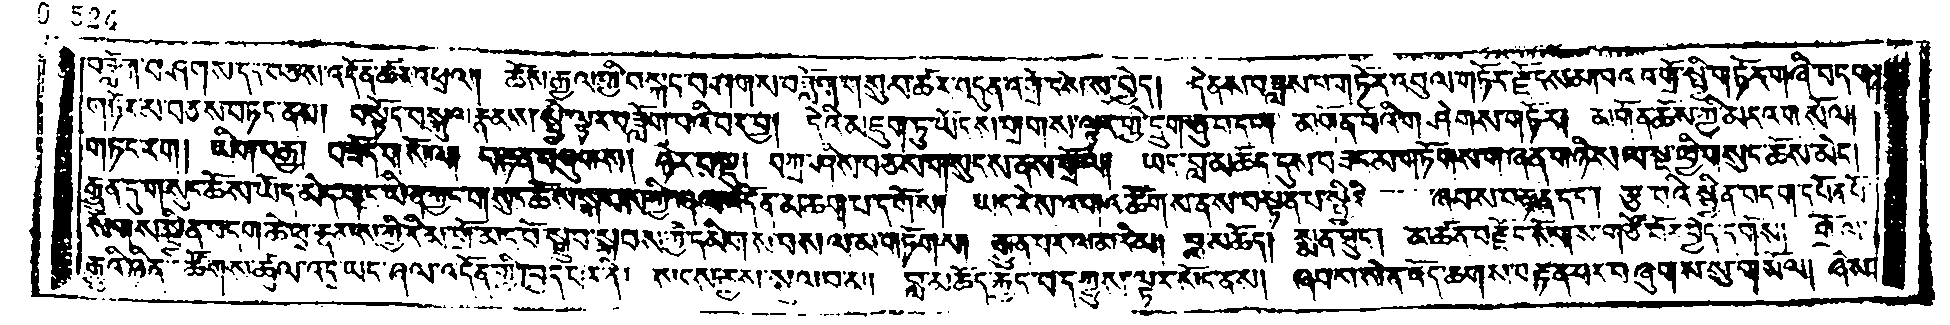བཟློག་བཤགས་དང་བཅས་འདོན་ཚར་འཕྲལ། ཆོས་རྒྱལ་གྱི་བསྐང་བཤགས་བཟློག་གསུམ་ཚར་བདུན་འགྲོ་ངེས་སུ་བྱེད། དེ་ནས་བཟླས་པ་གཏོར་འབུལ་གཏོར་རྫོངས་མཁའ་འགྲོ་སྤྱི་གཏོར་གཞི་བདག་
གཏོར་མ་བཅས་བཏང་ནས། བསྟོད་བསྐུལ་རྣམས་སྤྱི་ལྟར་བཟློག་པའི་བར་བྱ། དེའི་མཇུག་ཏུ་ཡོངས་གྲགས་ལྟར་གྱི་དྲུག་ཅུ་པ་དང་། མགོན་པོའི་གཤེགས་གཏོར། མགོན་ཆོས་ཀྱི་མངའ་གསོལ།
གཏང་རག །ཡིག་བརྒྱ། བཟོད་གསོལ། བརྟན་བཞུགས། ཉེར་བསྡུ། བཀྲ་ཤིས་བཅས་གསུངས་ནས་གྲོལ། ཡང་བླ་མཆོད་དུས་བཟང་མ་གཏོགས་གཞན་གཉིས་ལ་སྔ་ཕྱི་གསུང་ཆོས་མེད།
རྒྱུན་དུ་གསུང་ཆོས་ཡོད་མེད་གང་ཡིན་ཀྱང་གསུང་ཆོས་སྐབས་ཀྱི་ཞལ་འདོན་མ་ཆག་པ་དགོས། ཡང་རེས་འགའ་ཚོགས་ནས་བསྟན་པ་སྤྱིའི་ཞབས་བརྟན་དང་། རྩ་བའི་སྦྱིན་བདག་དཔོན་པོ་
སོགས་སྦྱིན་བདག་ཆེ་ཕྲ་རྣམས་ཀྱི་རིམ་གྲོ་མང་པོ་སྒྲུབ་སྐབས་ཀྱི་དམིགས་བསལ་མ་གཏོགས། རྒྱུན་པར་ལམ་རིམ། བླ་མཆོད། སྨན་ཐུང་། མཚན་བརྗོད་སོགས་གཙོ་བོར་བྱེད་དགོས། གྲོལ་
རྒྱུའི་ཉིན་ཚོགས་ཚུལ་འདྲ་ཡང་ཞལ་འདོན་གྱི་ཁྱད་པར་ནི། སངས་རྒྱས་སྤྲུལ་པ་མ། བླ་མཆོད་རྐྱང་པ་དཀྱུས་ལྟར་སོང་ནས། ཞབས་སེན་འོད་ཆགས་བརྟན་པར་བཞུགས་སུ་གསོལ། ཞེས་